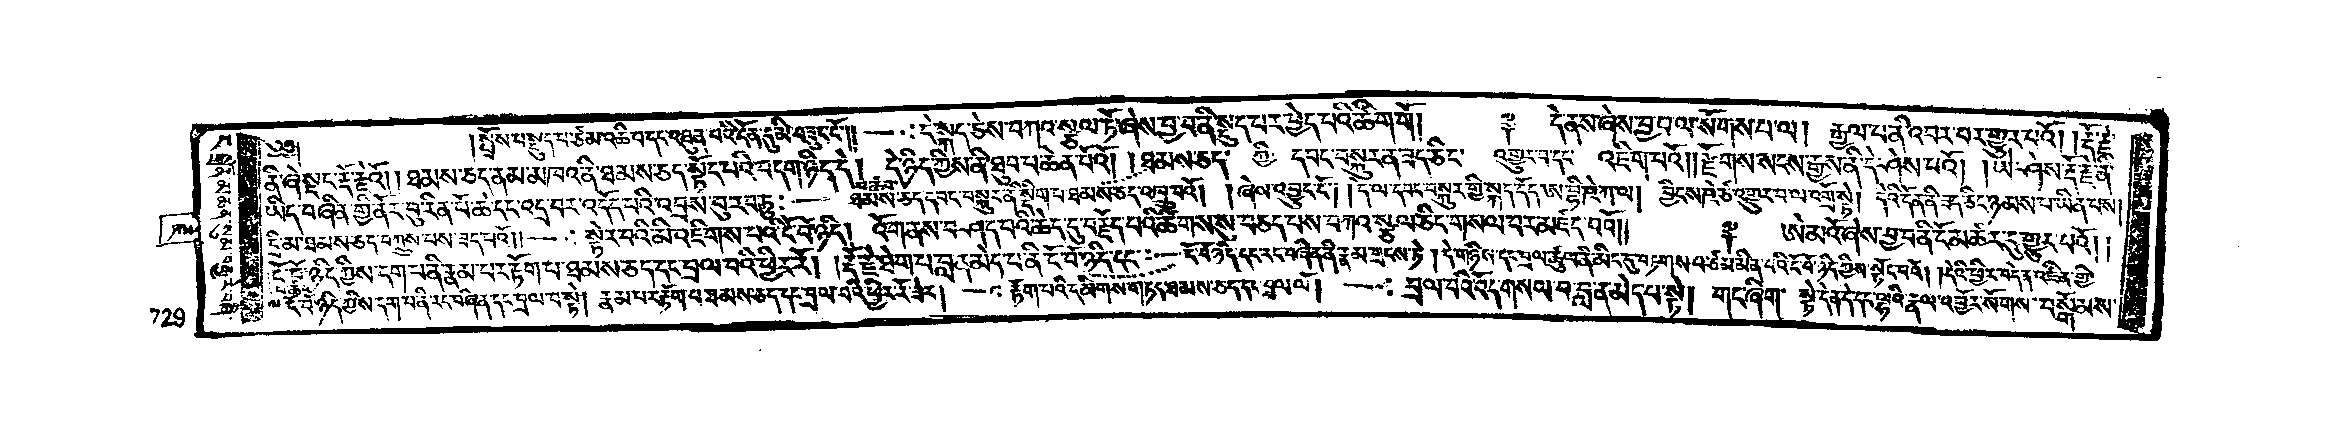༄༅། །སྤྲོས་པ་སྡུད་པ་ཙམ་འཆི་བ་དང་འཐུན་པའི་དོན་དུ་མི་བཟུང་ངོ།། .H དེ་སྐད་ཅེས་བཀའ་སྩལ་ཏོ་ཞེས་བྱ་བ་ནི་སྡུད་པར་བྱེད་པའི་ཚིག་གོ ། ༈ དེ་ནས་ཞེས་བྱ་བ་ལ་སོགས་པ་ལ། རྒྱལ་བ་ནི་འབར་བར་གྱུར་པའོ། །རྡོ་རྗེ་
ནི་ཞེ་སྡང་རྡོ་རྗེའོ། །ཐམས་ཅད་ནམ་མཁའ་ནི་ཐམས་ཅད་སྟོང་པའི་བདག་ཉིད་དེ། དེ་ཉིད་ཀྱིས་ནི་ཐུབ་པ་ཆེན་པོའོ། །ཐམས་ཅད་ཀྱི་དབང་བསྐུར་ན་ཟད་ཅིང་འགྱུར་བ་དང་འཇིག་པའོ། །རྫོགས་སངས་རྒྱས་ནི་དེ་ཤེས་པའོ། །ཡེ་ཤེས་རྡོ་རྗེ་ནི་
ཡིད་བཞིན་གྱི་ནོར་བུ་རིན་པོ་ཆེ་དང་འདྲ་བར་འདོད་པའི་འབྲས་བུ་རབ་ཏུ་H.་པ་ཚབ་ཐམས་ཅད་དབང་བསྐུར་ནི་སྡིག་པ་ཐམས་ཅད་འཁྲུ་བའོ། །ཞེས་འབྱུང་ངོ། །དེ་ལ་དབང་བསྐུར་གྱི་སྐད་དོད་ཨ་བྷི་ཥེ་ཀ་ལ། བྱིངས་ཥེ་ཙ་འགྱུར་བ་ལ་འགྲོ་སྟེ། དེའི་དོན་ནི་ཟད་ཅིང་ཉམས་པ་ཡིན་པས།
དྲི་མ་ཐམས་ཅད་བཀྲུས་པས་ཟད་པའོ།། .H སྟེར་བའི་མི་འཇིགས་པའི་ངོ་བོ་ཉིད། འོག་ནས་བཤད་པའི་ཆེད་དུ་བརྗོད་པའི་ཚིགས་སུ་བཅད་པས་བཀའ་སྩལ་ཅིང་གསལ་བར་མཛད་པའོ།། ༈ ཨེ་མའོ་ཞེས་བྱ་བ་ནི་ངོ་མཚར་དུ་གྱུར་པའོ།།
ངོ་བོ་ཉིད་ཀྱིས་དག་པ་ནི་རྣམ་པར་རྟོག་པ་ཐམས་ཅད་དང་བྲལ་བའི་ཕྱིར་རོ། །རྡོ་རྗེ་ཐེག་པ་བླ་ན་མེད་པ་ནི་ངོ་བོ་ཉིད་དང་H.་ངོ་བོ་ཉིད་དང་རང་བཞིན་ནི་རྣམ་གྲངས་ཏེ། དེ་གཉིས་དང་བྲལ་ཚུལ་ནི་མིང་དུ་བཏགས་པ་ཙམ་མིན་པའི་ངོ་བོ་ཉིད་ཀྱིས་སྟོང་པའོ། །དེའི་ཕྱིར་བདེན་འཛིན་གྱི་
པ་ཚབ་༧ངོ་བོ་ཉིད་ཀྱིས་དག་པ་ནི་རང་བཞིན་དང་བྲལ་བ་སྟེ། རྣམ་པར་རྟོག་པ་ཐམས་ཅད་དང་བྲལ་བའི་ཕྱིར་རོ་ཟེར། .H རྟོག་པའི་དམིགས་གཏད་ཐམས་ཅད་དང་བྲལ་ལོ། .H བྲལ་བའི་འོད་གསལ་བ་བླ་ན་མེད་པ་སྟེ། གང་ཞིག་སྟེ་དོན་དེ་དང་ལྷའི་རྣལ་འབྱོར་སོགས་བསྒོམས་